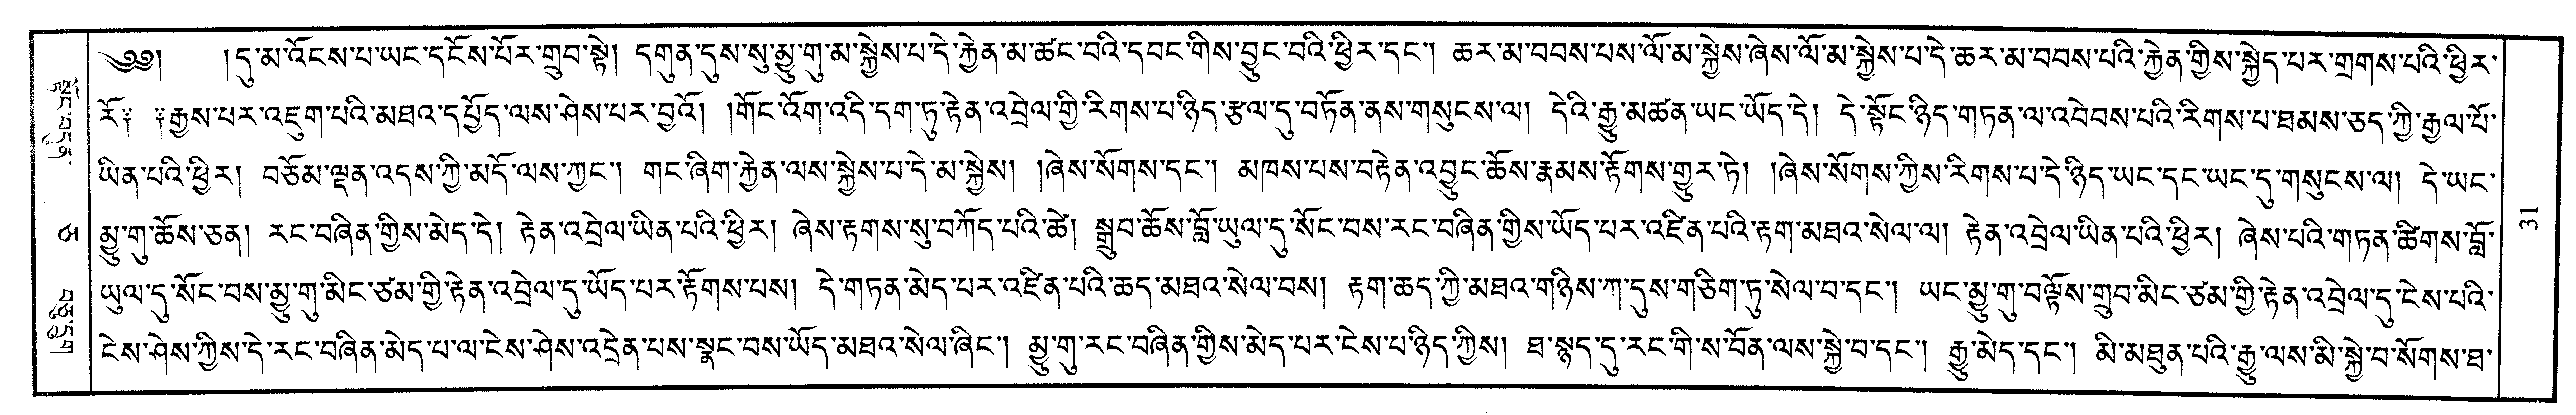༄༅། །དུ་མ་འོངས་པ་ཡང་དངོས་པོར་གྲུབ་སྟེ། དགུན་དུས་སུ་མྱུ་གུ་མ་སྐྱེས་པ་དེ་རྐྱེན་མ་ཚང་བའི་དབང་གིས་བྱུང་བའི་ཕྱིར་དང་། ཆར་མ་བབས་པས་ལོ་མ་སྐྱེས་ཞེས་ལོ་མ་སྐྱེས་པ་དེ་ཆར་མ་བབས་པའི་རྐྱེན་གྱིས་སྐྱེད་པར་གྲགས་པའི་ཕྱིར་
རོ༑ ༑རྒྱས་པར་འཇུག་པའི་མཐའ་དཔྱོད་ལས་ཤེས་པར་བྱའོ། །གོང་འོག་འདི་དག་ཏུ་རྟེན་འབྲེལ་གྱི་རིགས་པ་ཉིད་རྩལ་དུ་བཏོན་ནས་གསུངས་ལ། དེའི་རྒྱུ་མཚན་ཡང་ཡོད་དེ། དེ་སྟོང་ཉིད་གཏན་ལ་འབེབས་པའི་རིགས་པ་ཐམས་ཅད་ཀྱི་རྒྱལ་པོ་
ཡིན་པའི་ཕྱིར། བཅོམ་ལྡན་འདས་ཀྱི་མདོ་ལས་ཀྱང་། གང་ཞིག་རྐྱེན་ལས་སྐྱེས་པ་དེ་མ་སྐྱེས། །ཞེས་སོགས་དང་། མཁས་པས་བརྟེན་འབྱུང་ཆོས་རྣམས་རྟོགས་གྱུར་ཏེ། །ཞེས་སོགས་ཀྱིས་རིགས་པ་དེ་ཉིད་ཡང་དང་ཡང་དུ་གསུངས་ལ། དེ་ཡང་
མྱུ་གུ་ཆོས་ཅན། རང་བཞིན་གྱིས་མེད་དེ། རྟེན་འབྲེལ་ཡིན་པའི་ཕྱིར། ཞེས་རྟགས་སུ་བཀོད་པའི་ཚེ། སྒྲུབ་ཆོས་བློ་ཡུལ་དུ་སོང་བས་རང་བཞིན་གྱིས་ཡོད་པར་འཛིན་པའི་རྟག་མཐའ་སེལ་ལ། རྟེན་འབྲེལ་ཡིན་པའི་ཕྱིར། ཞེས་པའི་གཏན་ཚིགས་བློ་
ཡུལ་དུ་སོང་བས་མྱུ་གུ་མིང་ཙམ་གྱི་རྟེན་འབྲེལ་དུ་ཡོད་པར་རྟོགས་པས། དེ་གཏན་མེད་པར་འཛིན་པའི་ཆད་མཐའ་སེལ་བས། རྟག་ཆད་ཀྱི་མཐའ་གཉིས་ཀ་དུས་གཅིག་ཏུ་སེལ་བ་དང་། ཡང་མྱུ་གུ་བལྟོས་གྲུབ་མིང་ཙམ་གྱི་རྟེན་འབྲེལ་དུ་ངེས་པའི་
ངེས་ཤེས་ཀྱིས་དེ་རང་བཞིན་མེད་པ་ལ་ངེས་ཤེས་འདྲེན་པས་སྣང་བས་ཡོད་མཐའ་སེལ་ཞིང་། མྱུ་གུ་རང་བཞིན་གྱིས་མེད་པར་ངེས་པ་ཉིད་ཀྱིས། ཐ་སྙད་དུ་རང་གི་ས་བོན་ལས་སྐྱེ་བ་དང་། རྒྱུ་མེད་དང་། མི་མཐུན་པའི་རྒྱུ་ལས་མི་སྐྱེ་བ་སོགས་ཐ་